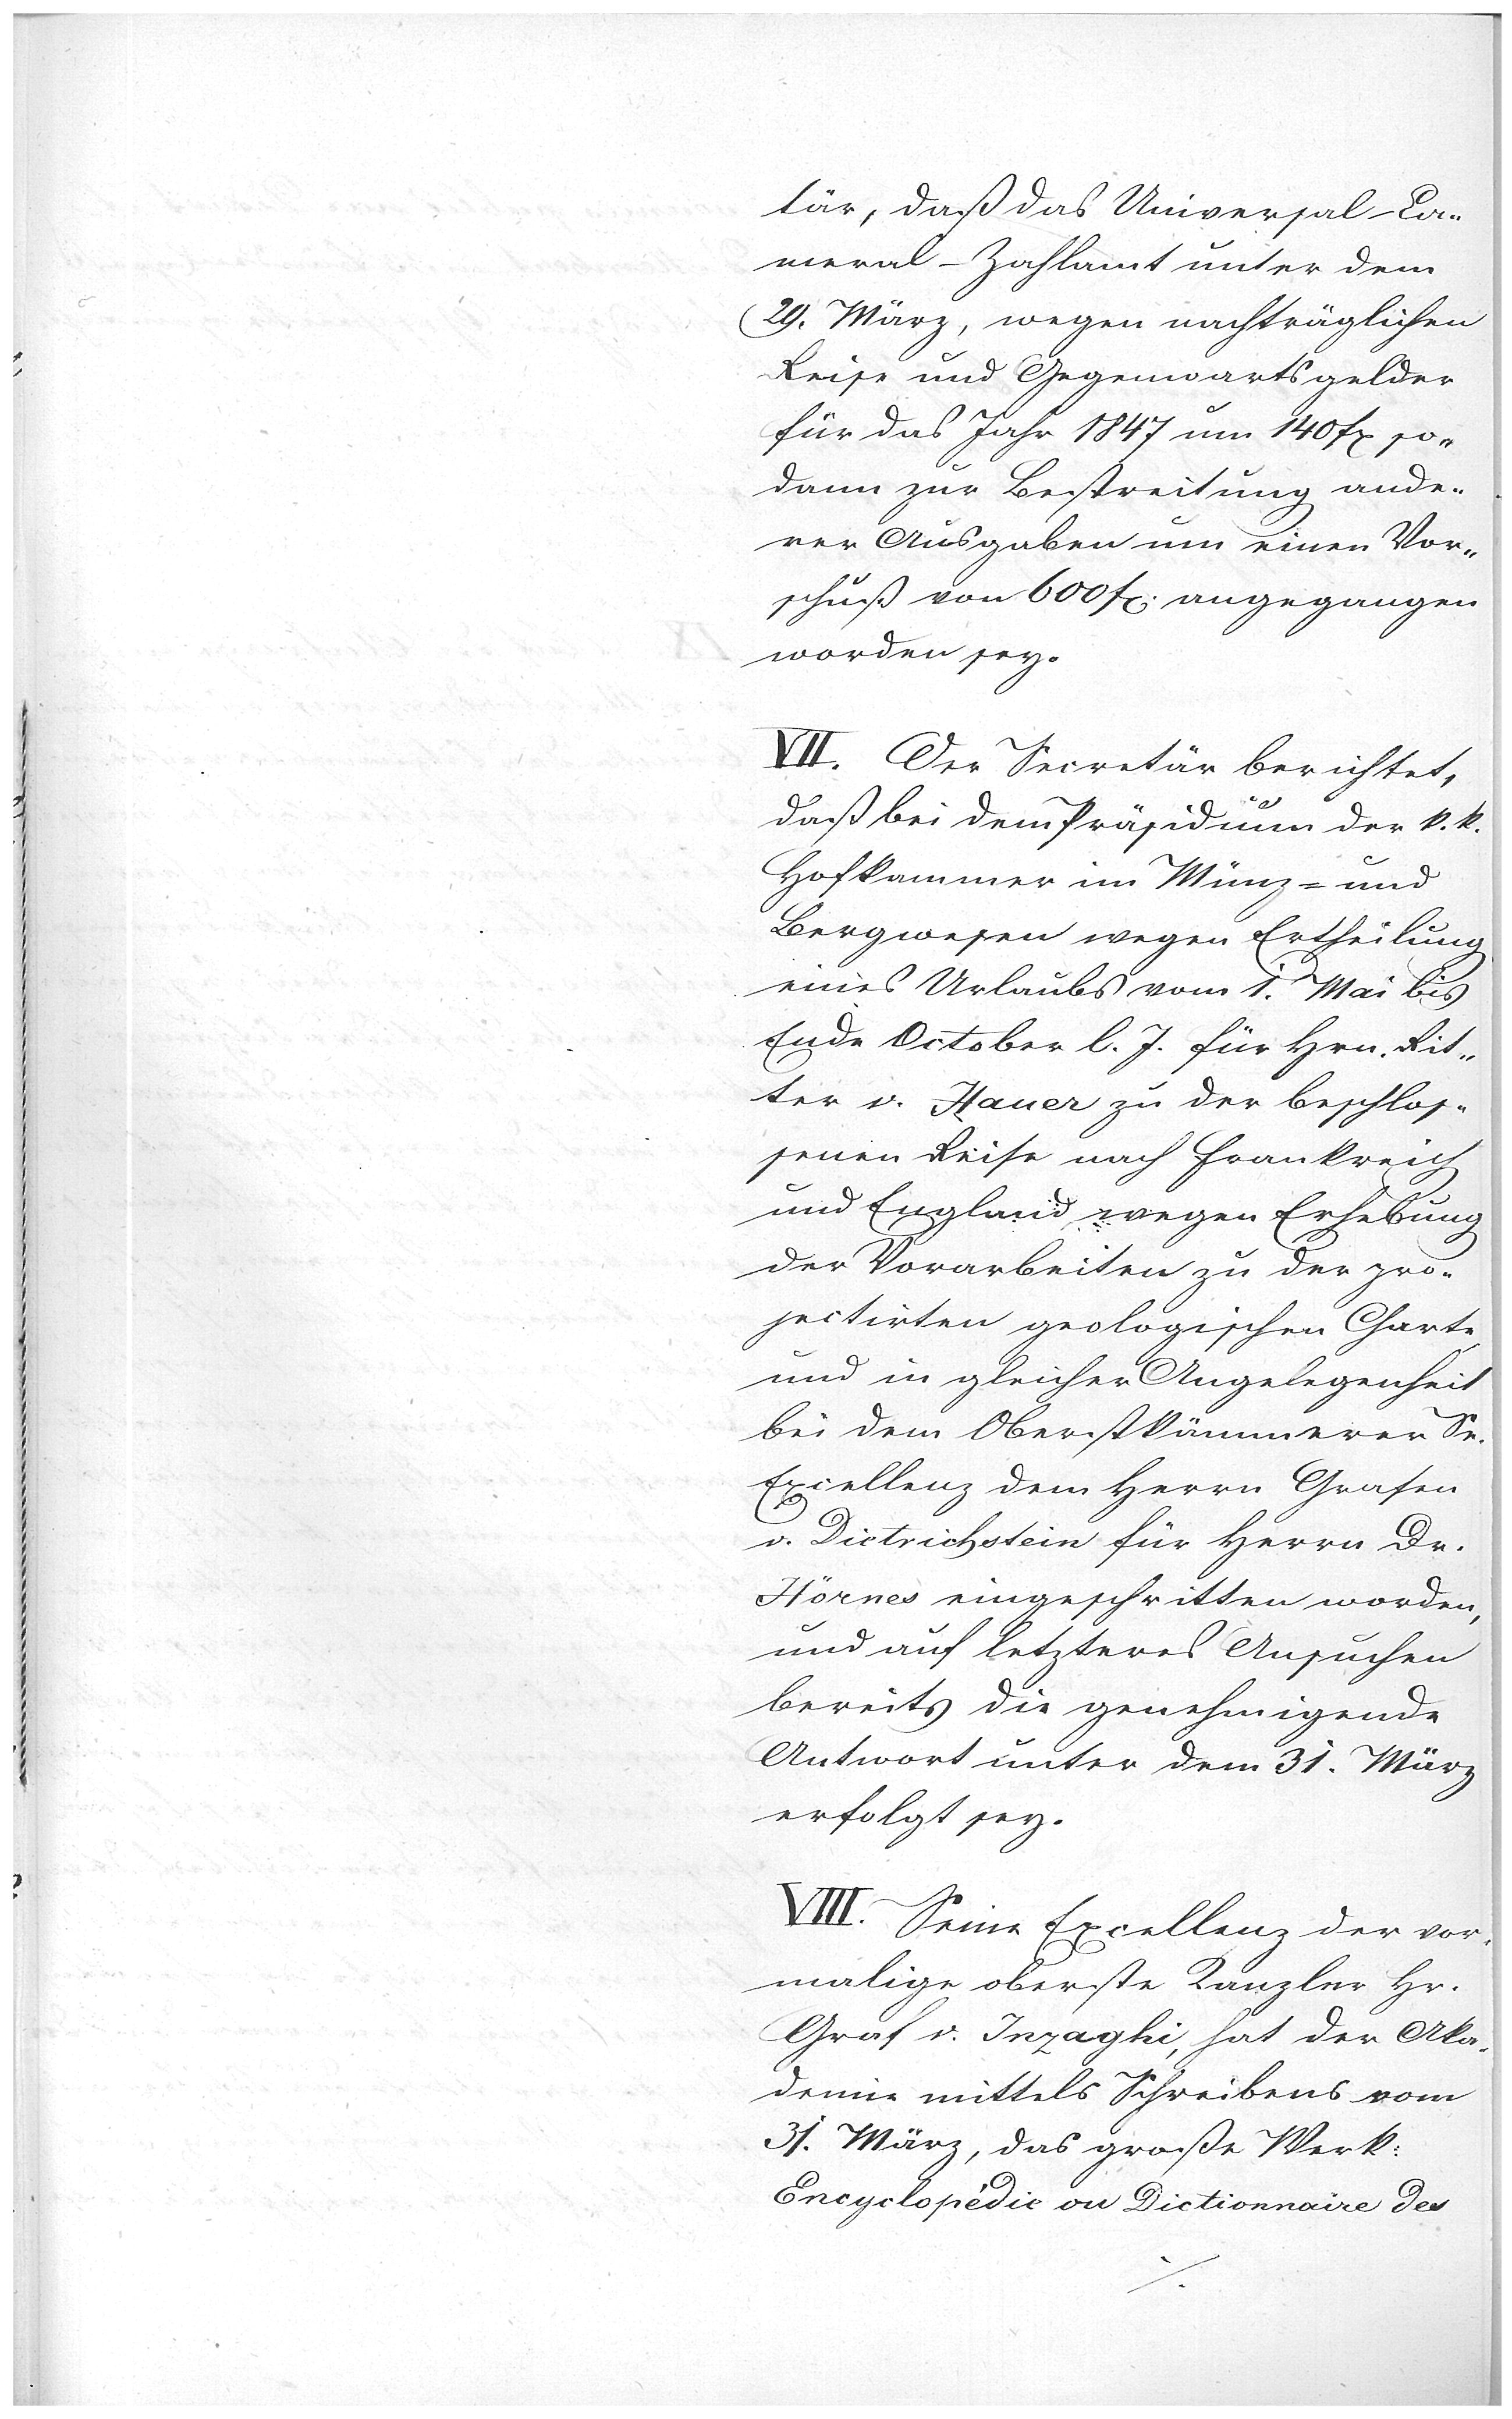tär, daß das Universal-Ca-
meral-Zahlamt unter dem
29. März, wegen nachträglichen
Reise und Gegenwartsgelder
für das Jahre 1847 um 140 fl so-
dann zur Bestreitung ande-
rer Ausgaben um einen Vor-
schluß von 600 fl angegangen
worden sey.
VII. Der Secretär berichtet,
daß bei dem Präsidium der k.k.
Hofkammer im Münz- und
Bergwesen wegen Ertheilung
eines Urlaub vom 1. Mai bis
Ende October l.J. für Hrn. Rit-
ter v. Hauer zu der beschlos-
senen Reise nach Frankreich
und England wegen Erhebung
der Vorarbeiten zu der pro-
jectirten geologischen Charte
und in gleichen Angelegenheit
bei dem Oberstkämmerer Sr.
Excellenz dem Herrn Grafen
v. Dietrichstein für Herrn Dr.
Hörnes eingeschritten worden
und auf letzteres Ansuchen
bereits die genehmigende
Antwort unter dem 31. März
erfolgt sey.
VIII. Seine Excellenz der vor-
malige oberste Kanzler Hr.
Graf v. Inzaghi, hat der Aka--
demie mittels Schreibens vom
31. März das große Werk:
Encyclopédie ou Dictionnaire des